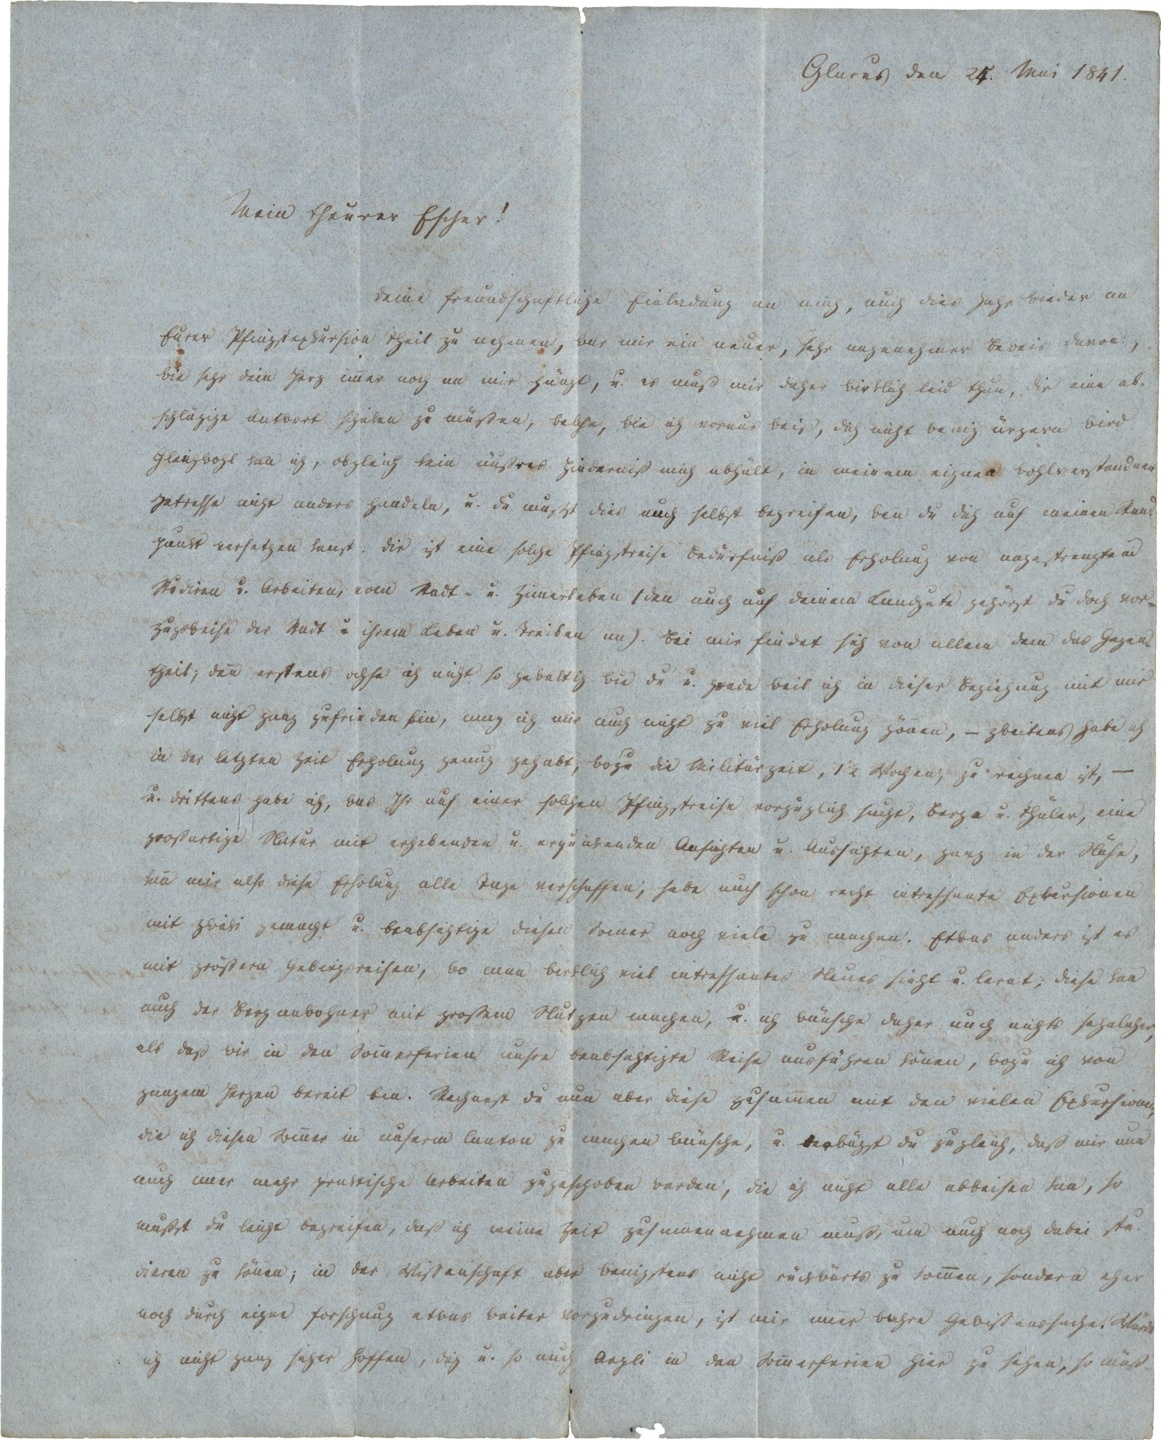Glarus den 24. Mai 1841.
Mein theurer Escher!
Deine freundschaftliche Einladung an mich, auch dies Jahr wieder an
Eurer Pfingstexkursion Theil zu nehmen, war mir ein neuer, sehr angenehmer Beweis davon,
wie sehr dein Herz immer noch an mir hängt, u. es muß mir daher wirklich leid thun, dir eine ab-
schlägige Antwort schicken zu müssen, welche, wie ich voraus weiß, dich nicht wenig ärgern wird.
Gleichwohl kann ich, obgleich kein äußres Hinderniß mich abhält, in meinem eignen wohlverstandnen
Intresse nicht anders handeln, u. du mußt dies auch selbst begreifen, wenn du dich auf meinen Stand-
punkt versetzen kannst. Dir ist eine solche Pfingstreise Bedürfniß als Erholung von angestrengten
Studien u. Arbeiten, vom Stadt- und Zimmerleben (denn auch auf deinem Landgute gehörst du doch vor-
zugsweise der Stadt u. ihrem Leben u. Treiben an). Bei mir findet sich von allem dem das Gegen-
theil; denn erstens ochse ich nicht so gewaltig wie du u. grade weil ich in dieser Beziehung mit mir
selbst nicht ganz zufrieden bin, mag ich mir auch nicht zu viel Erholung gönnen, – zweitens habe ich
in der letzten Zeit Erholung genug gehabt, wozu die Militärzeit, 1½ Wochen, zu rechnen ist, –
u. drittens habe ich, was Ihr auf einer solchen Pfingstreise vorzüglich sucht, Berge u. Thäler, eine
großartige Natur mit erhebenden u. erquickenden Ansichten u. Aussichten, ganz in der Nähe,
kann mir also diese Erholung alle Tage verschaffen, habe auch schon recht intressante Exkursionen
mit Zwicki gemacht u. beabsichtige diesen Sommer noch viele zu machen. Etwas anders ist es
mit größern Gebirgsreisen, wo man wirklich viel intressantes Neues sieht u. lernt; diese kann
auch der Berganwohner mit großem Nutzen machen, u. ich wünsche daher auch nichts sehnlicher,
als daß wir in den Sommerferien unsre beabsichtigte Reise ausführen könen, wozu ich von
ganzem Herzen bereit bin. Rechnest du nun aber diese zusammen mit den vielen Exkursionen,
die ich diesen Sommer in unserm Canton zu machen wünsche, u. erwägst du zugleich, daß mir nun
auch immer mehr praktische Arbeiten zugeschoben werden, die ich nicht alle abweisen kann, so
mußt du leicht begreifen, daß ich meine Zeit zusammennehmen muß, um auch noch dabei stu-
dieren zu können; in der Wissenschaft aber wenigstens nicht rückwärts zu kommen, sondern eher
noch durch eigne Forschung etwas weiter vorzudringen, ist mir immer wahre Gewissenssache. Würde
ich nicht ganz sicher hoffen, dich u. so auch
Aepli in den Sommerferien hier zu sehen, so müß-